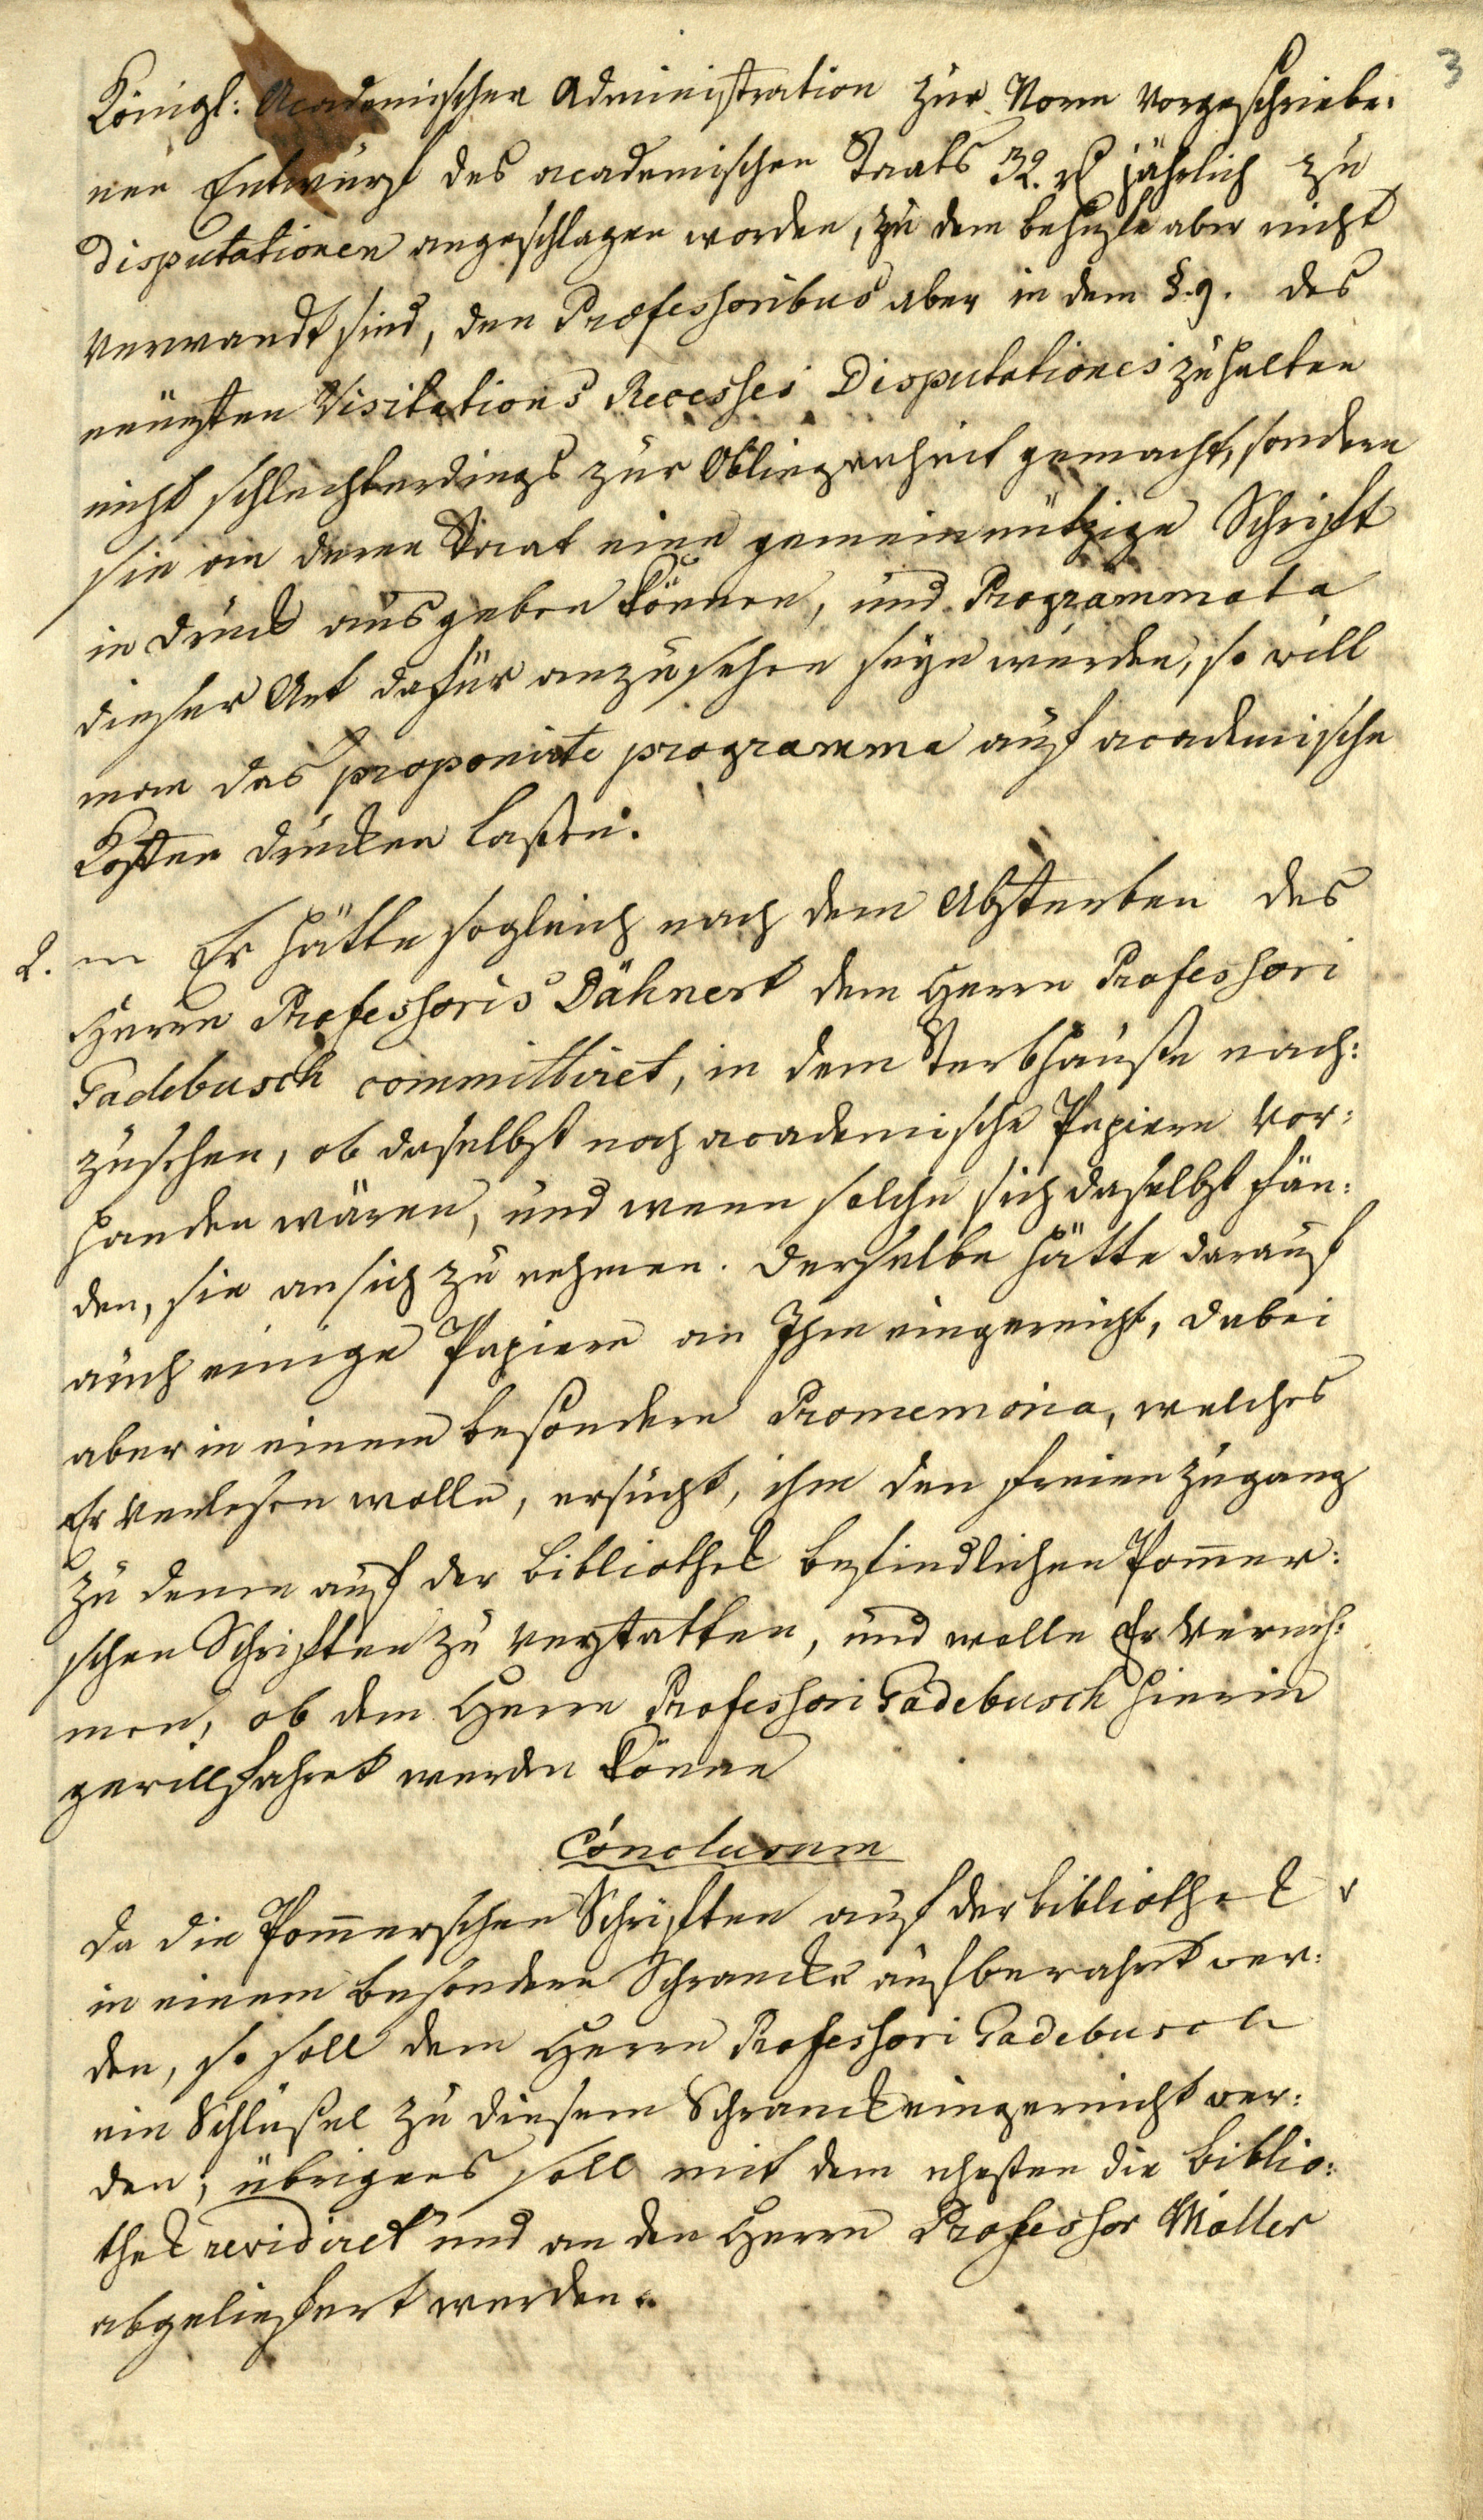Königl. Academischen Administration zur Norm vorgeschriebe¬
nen Entwurf des academischen Staats 32. r. jährlich zu
Disputationen angeschlagen worden, zu dem Behufe aber nicht
verwandt sind, den Professoribus aber in dem § 9. des
neuesten Visitations Recesses Disputationes zu halten
nicht schlechterdings zur Obliegenheit gemacht, sondern
sie in deren Staat eine gemeinützige Schrift
in Druck ausgeben können, und Programmata
dieser Art dafür anzusehen seÿn werden, so will
man das proponirte programma auf academische
Kosten drucken laßen.
2.Er hätte sogleich nach dem Absterben des
Herrn Professoris Dähnert dem Herrn Professori
Gadebusch committiret, in dem Sterbhauße nach¬
zusehen, ob daselbst noch academische Papiere vor¬
handen wären, und wenn solche sich daselbst fän¬
den, sie an sich zu nehmen. Derselbe hätte darauf
auch einige Papiere an Ihm eingereicht, dabei
aber in einem besondern Promemoria, welches
Er verlesen wolle, ersucht, ihm den freien Zugang
zu denen auf der Bibliothek befindlichen Pomer¬
schen Schriften zu verstatten, und wolle Er verneh¬
men, ob dem Herrn Professori Gadebusch hierin
gewillfahret werden könne
Conclusum
Da die Pomerschen Schriften auf der Bibliothek
in einem besondern Schranke aufbewahret wer¬
den, so soll dem Herrn Professori Gadebusch
ein Schlüßel zu diesem Schrank eingereicht wer¬
den, übrigens soll mit dem ehesten die Biblio¬
thek revidiret und an den Herrn Professor Möller
abgeliefert werden an